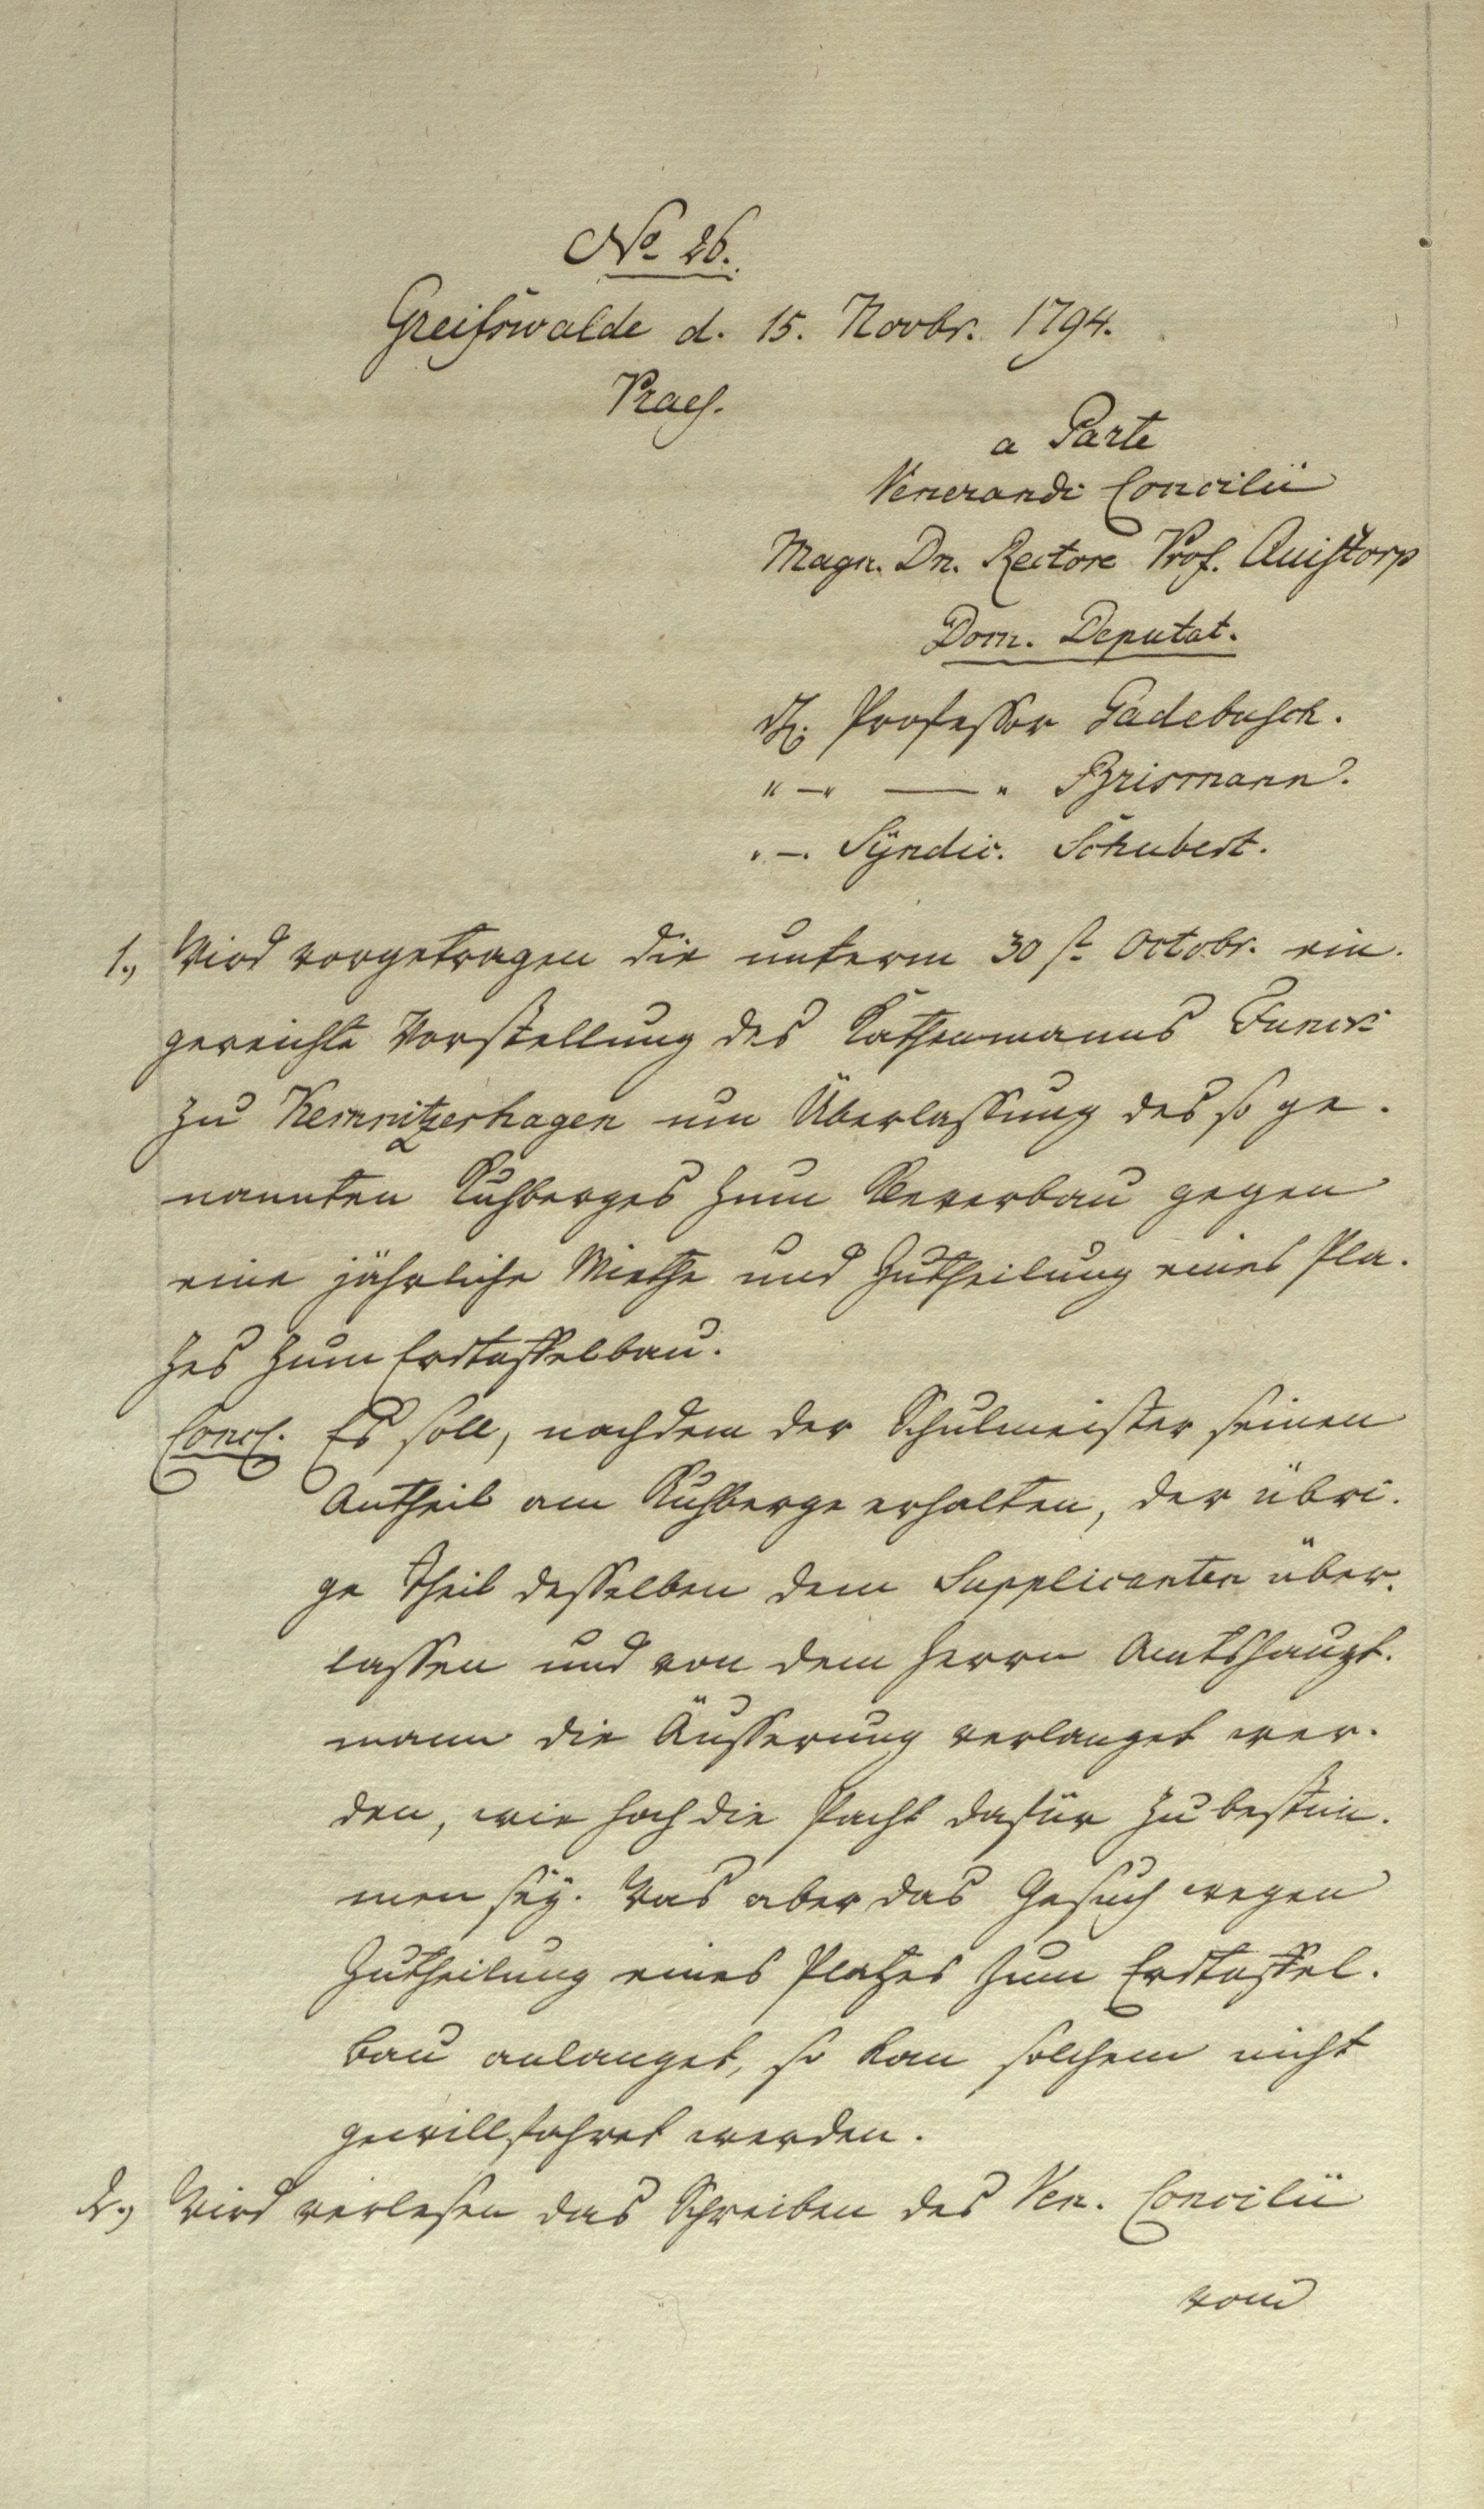No 26.
Greifswalde d. 15. Novbr. 1794.
Praes.
a Parte
Venerandi Concilii
Magn. Dn. Rectore Prof. Quistorp
Dom. Deputat.
dh. Professor Gadebusch.
Brismann.
Sÿndic. Schubert.
1. Wird vorgetragen die unterm 30 t Octobr. ein¬
gereichte Vorstellung des Kathenmanns Funck
zu Kemnitzerhagen um Überlassung des so ge¬
nannten Kuhberges zum Kleverbau gegen
eine jährliche Miethe und Zutheilung eines Pla¬
zes zum Erdtoffelbau.
Concl. Es soll, nachdem der Schulmeister seinen
Antheil am Kuhberge erhalten, der übri¬
ge Theil desselben dem Supplicanten über¬
lassen und von dem Herrn Amtshaupt¬
mann die Äusserung verlanget wer¬
den, wie hoch die Pacht dafür zu bestim¬
men seÿ. Was aber das Gesuch wegen
Zutheilung eines Platzes zum Erdtoffel¬
Bau anlanget, so kan solchem nicht
gewillfahret werden.
2., Wird verlesen das Schreiben des Ven. Concilii
vom